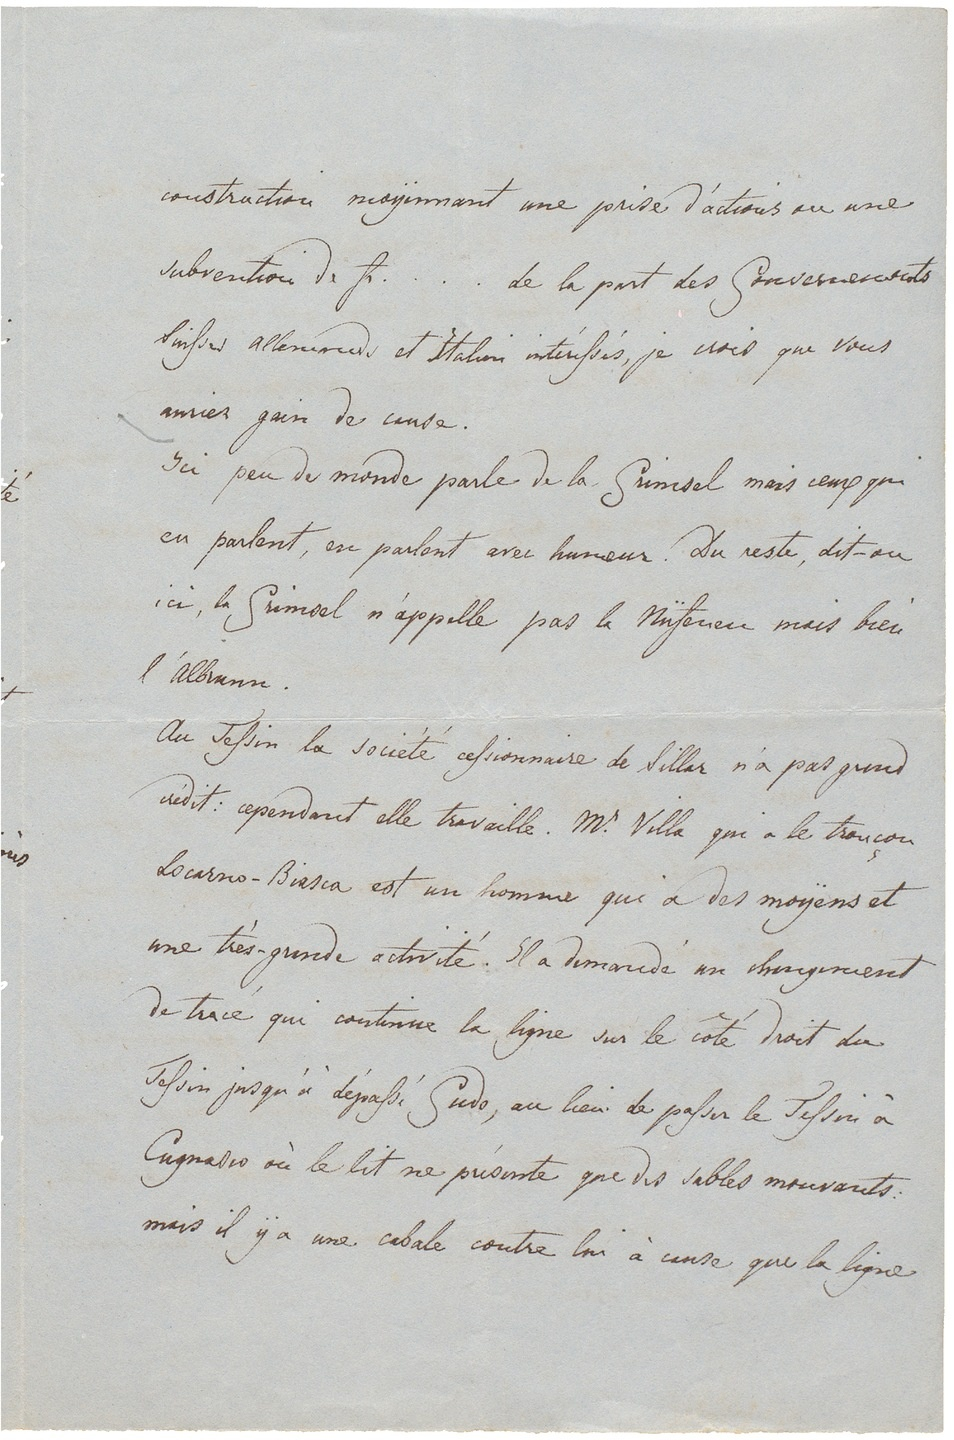construction moyennant une prise d'actions ou une
subvention de fr.... de la part des Gouvernements
Suisses Allemands et Italien intéressés, je crois que Vous
auriez gain de cause.
Ici peu de monde parle de la Grimsel mais ceux qui
en parlent, en parlant avec humeur. Du reste, dit-on
ici, la Grimsel n'appelle pas le Nüfenen mais bien
l'Albrunn.
Au Tessin la société cessionnaire de Sillar n'a pas grand
crédit: cependant elle travaille. MrVilla qui a le tronçon
Locarno–Biasca est un homme qui a des moyens et
une très-grande activité. Il a demandé un changement
de tracé qui continue la ligne sur le côté droit du
Tessin jusqu'à dépassé Gudo, au lieu de passer le Tessin à
Cugnasco où le lit ne présente que des sables mouvants:
mais il y a une cabale contre lui à cause que la ligne